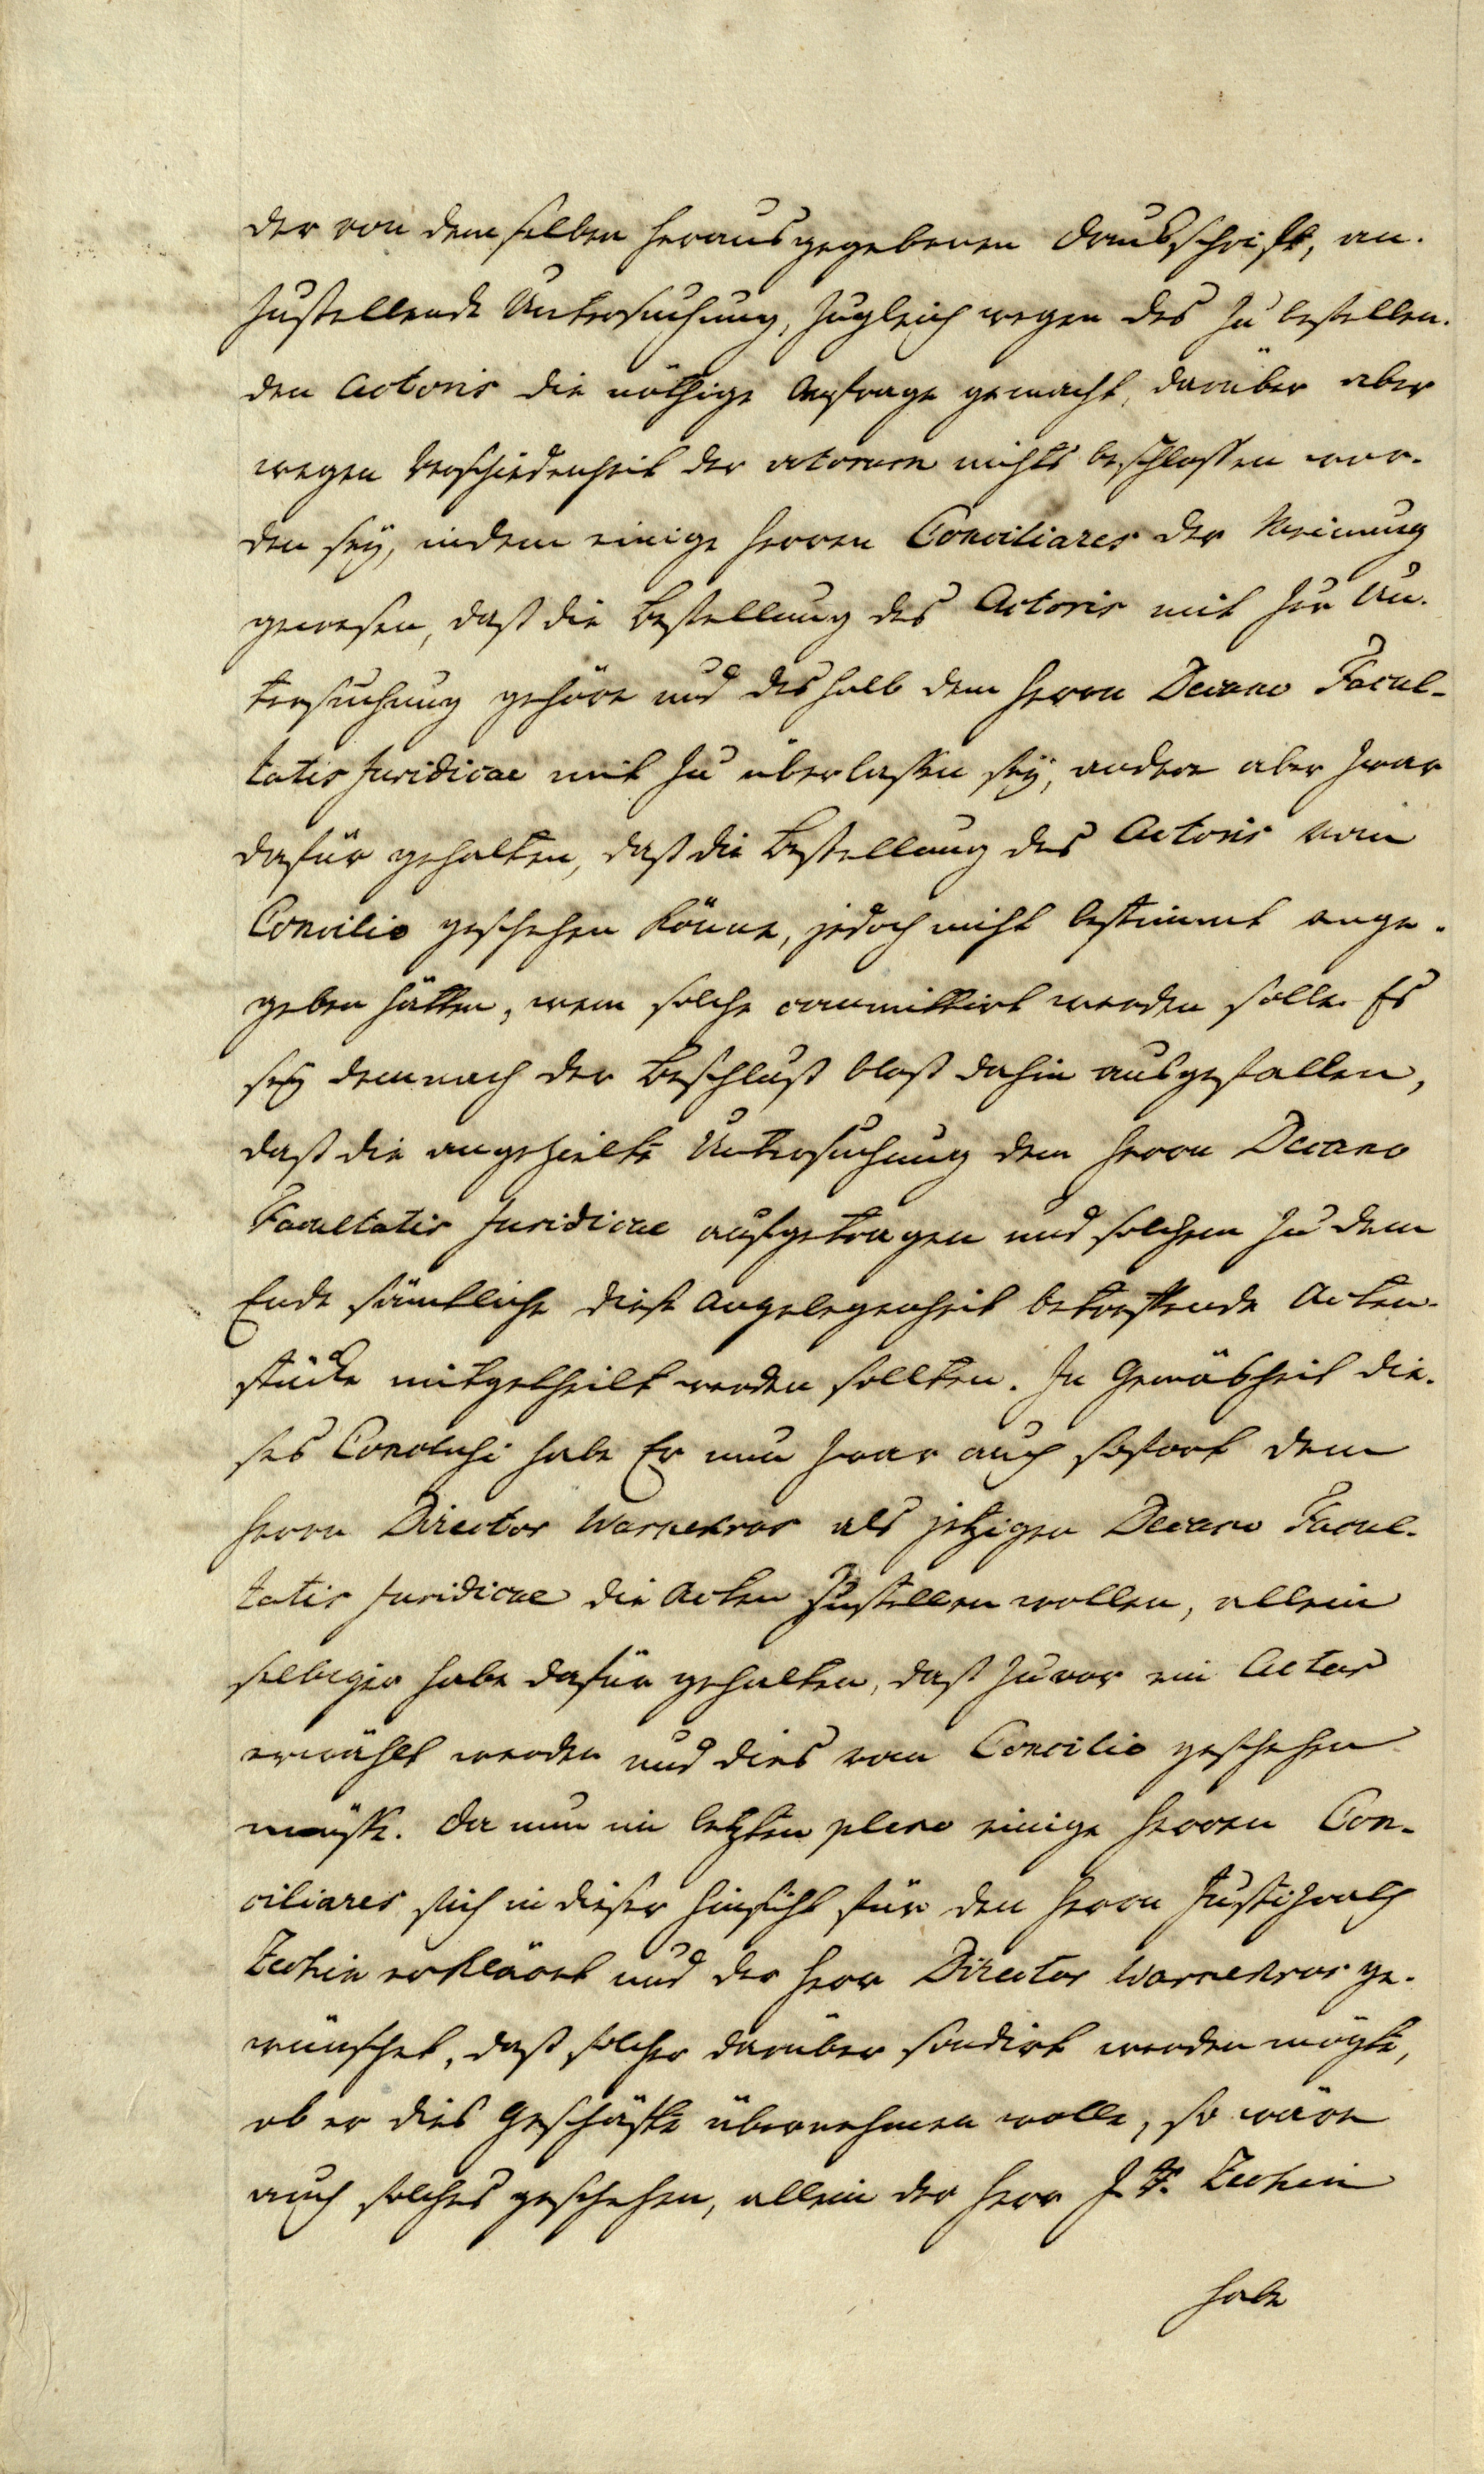der von dem selben herausgegebenen Drukschrift, an¬
zustellende Untersuchung, zugleich wegen des zu bestellen¬
den Actoris die nöthige Anfrage gemacht, darüber aber
wegen Verschiedenheit der votorum nichts beschlossen wor¬
den seÿ, indem einige Herren Conciliares der Meinung
gewesen, daß die Bestellung des Actoris mit zur Un¬
tersuchung gehöre und deshalb dem Herrn Decano Facul¬
tatis Juridicae mit zu überlassen seÿ, andere aber zwar
dafür gehalten, daß die Bestellung des Actoris vom
Concilio geschehen könne, jedoch nicht bestimmt ange¬
geben hätten, wem solche committirt werden solle. Es
seÿ demnach der Beschluß bloß dahin ausgefallen,
daß die angezielte Untersuchung dem Herrn Decano
Facultatis Juridicae aufgetragen und solchem zu dem
Ende sämtliche diese Angelegenheit betreffende Acten¬
stücke mitgetheilt werden sollten. In Gemäsheit die¬
ses Conclusi habe Er nun zwar auch sofort dem
Herrn Director Warnekros als jetzigen Decano Facul¬
tatis Juridicae die Acten zustellen wollen, allein
selbiger habe dafür gehalten, daß zu vor ein Actor
erwählt werden und dies vom Concilio geschehen
müsse. Da nun im letzten pleno einige Herren Con¬
ciliares sich in dieser Hinsicht für den Herrn Justizrath
Zechin erkläret und der Herr Director Warnekros ge¬
wünschet, daß solcher darüber sondirt werden mögte,
ob er dies Geschäfte übernehmen wolle, so wäre
auch solches geschehen, allein der Herr J. R. Zechin
habe